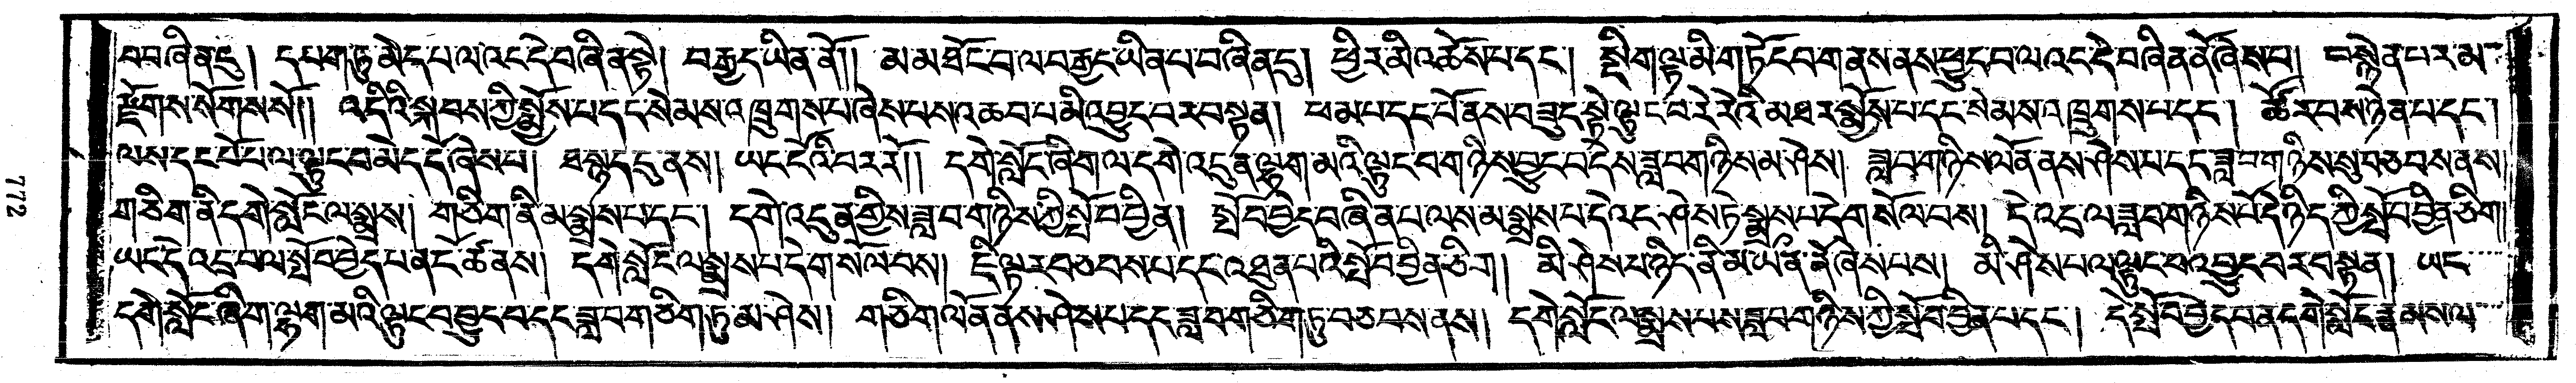བ་བཞིན་དུ། དཔག་ཏུ་མེད་པ་ལའང་དེ་བཞིན་སྟེ། བརྒྱད་ཡིན་ནོ།། མ་མཐོང་བ་ལ་བརྒྱན་གྱིན་པ་བཞིན་དུ། ཕྱིར་མི་འཆོས་པ་དང་། སྡིག་ལྟ་མི་གཏོང་བ་གནས་ནས་ཕྱུང་བ་ལའང་དེ་བཞིན་ནོ་ཞེས་པ། བསྙེན་པར་མ་
རྫོགས་སོགས་སོ།། འདིའི་སྐབས་ཀྱི་སྨྱོས་པ་དང་སེམས་འཁྲུགས་པ་ཞེས་པས་འཆབ་པ་མི་འབྱུང་བར་བསྟན། ཕམ་པ་དང་པོ་ནས་བཟུང་སྟེ་ལྟུང་བ་རེ་རེའི་མཐར་སྨྱོས་པ་དང་སེམས་འཁྲུགས་པ་དང་། ཚོར་བས་ཉེན་པ་དང་།
ལས་དང་པོ་པ་ལ་ལྟུང་བ་མེད་དོ་ཞེས་པ། ཐ་སྙད་དུ་ནས། ཡང་ངོའི་བར་རོ།། དགེ་སློང་ཞིག་ལ་དགེ་འདུན་ལྷག་མའི་ལྟུང་བ་གཉིས་བྱུང་བ་དེས་ཟླ་བ་གཉིས་མ་ཤེས། ཟླ་བ་གཉིས་ལོན་ནས་ཤེས་པ་དང་ཟླ་བ་གཉིས་སུ་བཅབས་ནས།
གཅིག་ནི་དགེ་སློང་ལ་སྨྲས། གཅིག་ནི་མ་སྨྲས་པ་དང་། དགེ་འདུན་གྱིས་ཟླ་བ་གཉིས་ཀྱི་སྤོ་བ་བྱིན། སྤོ་བ་བྱེད་བཞིན་པ་ལས་མ་སྨྲས་པ་དེའང་ཤེས་ཏེ་སྨྲས་པ་དེ་གསོལ་བས། དེ་འདྲ་ལ་ཟླ་བ་གཉིས་པོ་དེ་ཉིད་ཀྱི་སྤོ་བ་བྱིན་ཅིག།
ཡང་དེ་འདྲ་བ་ལ་སྤོ་བ་བྱེད་པ་ན་ངོ་ཚ་ནས། དགེ་སློང་ལ་སྨྲས་པ་དེ་གསོལ་བས། ཇི་ལྟར་བཅབས་པ་དང་འཐུན་པའི་སྤོ་བ་བྱིན་ཅིག། མི་ཤེས་པ་ཉིད་ནི་མ་ཡྀན་ནོ་ཞེས་པས། མི་ཤེས་པ་ལ་ལྟུང་བ་འབྱུང་བར་བསྟན། ཡང་
དགེ་སློང་ཞིག་ལྷག་མའི་ལྟུང་བ་བྱུང་བ་དང་ཟླ་བ་གཅིག་ཏུ་མ་ཤེས། གཅིག་ལོན་ནས་ཤེས་པ་དང་ཟླ་བ་གཅིག་ཏུ་བཅབས་ནས། དགེ་སློང་ལ་སྨྲས་པས་ཟླ་བ་གཉིས་ཀྱི་སྤོ་བ་བྱིན་པ་དང་། དེ་སྤོ་བ་བྱེད་པ་ན་དགེ་སློང་རྣམས་ལ་